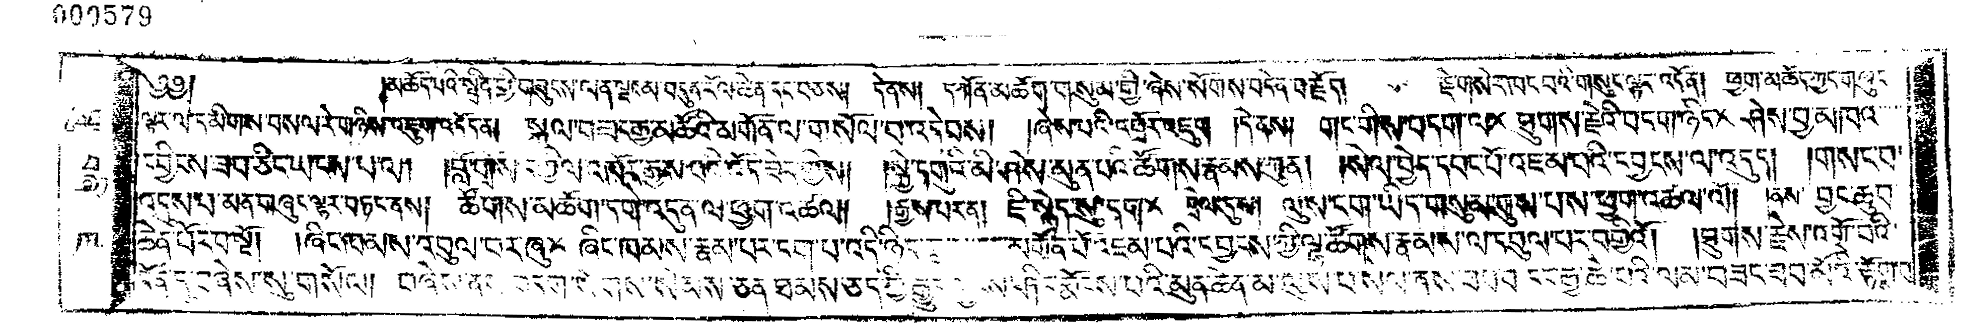༄༅། །མཆོད་པའི་སྤྲིན་གྱི་གཟུངས་ལན་ལྔའམ་བདུན་རོལ་ཆེན་དང་བཅས། དེ་ནས། དཀོན་མཆོག་གསུམ་གྱི་ཞེས་སོགས་བདེན་བརྗོད། ༈ རྗེ་གསེར་ཁང་བའི་གསུང་ལྟར་འདོན། ཕྱག་མཆོད་ཀྱང་གཞུང་
ལྟར་ལ་དམིགས་བསལ་རེ་གཉིས་འཇུག་འདོད་ན། སྐལ་བཟང་རྒྱ་མཚོའི་མགོན་ལ་གསོལ་བ་འདེབས། །ཞེས་པའི་འཕྲོར་འཇུག །དེ་ནས།  གང་གིས་བདག་ལ྾་ཐུགས་རྗེའི་བདག་ཉིད྾་ཤེས་བྱ་མཁའ་
དབྱིངས་ཟབ་ཅིང་ཡངས་པ་ལ། །བློ་གྲོས་དཀྱིལ་འཁོར་རྒྱས་པའི་འོད་ཟེར་གྱིས། །སྐྱེ་དགུའི་མི་ཤེས་མུན་པའི་ཚོགས་རྣམས་ཀུན། །སེལ་བྱེད་དབང་པོ་འཇམ་པའི་དབྱངས་ལ་འདུད། །གསང་བ་
འདུས་པ་མན་གཞུང་ལྟར་བཏང་ནས།  ཚོགས་མཆོག་དགེ་འདུན་ལ་ཕྱག་འཚལ། །རྒྱས་པར་ན།  ཇི་སྙེད་སུ་དག྾་བྲེལ་དུས།  ལུས་ངག་ཡིད་གསུམ་གུས་པས་ཕྱག་འཚལ་ལོ། །ནས་བྱང་ཆུབ་
ཆེན་པོར་བསྔོ། །ཞིང་ཁམས་འབུལ་བར་ཞུ྾་ཞིང་ཁམས་རྣམ་པར་དག་པ་འདི་ཉིད་བླ་མ་དང་མགོན་པོ་འཇམ་པའི་དབྱངས་ཀྱི་ལྷ་ཚོགས་རྣམས་ལ་དབུལ་བར་བགྱིའོ། །ཐུགས་རྗེས་འགྲོ་བའི་
དོན་དུ་བཞེས་སུ་གསོལ། བཞེས་ནས་བདག་སོགས་སེམས་ཅན་ཐམས་ཅད་ཀྱི་རྒྱུད་སྦྱངས་ཤིང་རྨོངས་པའི་མུན་ཆེན་མ་ལུས་པ་སེལ་ནས་ཟབ་པ་དང་རྒྱ་ཆེ་བའི་ལམ་བཟང་ཟབ་མོའི་རྟོགས་པ་